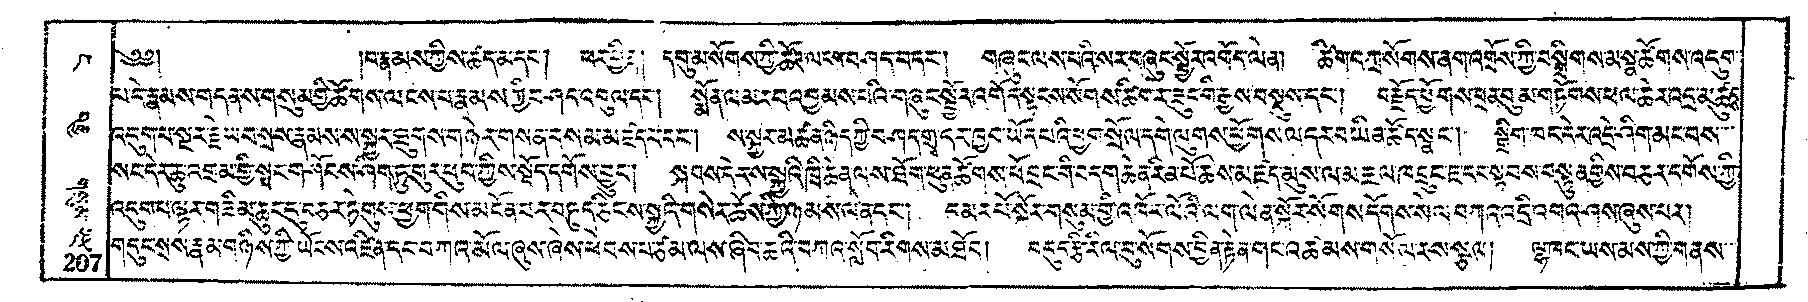༄༅། །བ་རྣམས་ཀྱིས་ཚད་མ་དང་། ཕར་ཕྱིན། དབུ་མ་སོགས་ཀྱི་ཚོགས་ལངས་བཤད་པ་དང་། གཞུང་ལས་པའི་སར་གཞུང་སྦྱོར་འགོད་ལེན། ཚིག་བཀྲ་སོགས་ནག་འགྲོས་ཀྱི་བསྒྲིགས་མ་སྣ་ཚོགས་འདུག་
པ་དེ་རྣམས་གདན་ས་གསུམ་གྱི་ཚོགས་ལངས་པ་རྣམས་ཀྱི་བཤད་འབུལ་དང་། སྨོན་ལམ་རབ་འབྱམས་པའི་གཞུང་སྦྱོར་འགོད་སྟངས་སོགས་ཚིག་ར་ཟུང་གི་རྒྱས་བསྡུས་དང་། བརྗོད་ཕྱོགས་ཕྲན་བུ་མ་གཏོགས་ཕལ་ཆེར་འདྲ་མཚུངས་
འདུག་པ་སྔར་རྗེ་ཡབ་སྲས་རྣམས་ས་སྐྱར་ཐུགས་གཉེར་གསན་བསམ་མཛད་པ་དང་། ས་སྐྱར་མཚན་ཉིད་ཀྱི་བཤད་གྲྭ་དར་ཁྱབ་ཡོད་པའི་ཕྱག་སྲོལ་དགེ་ལུགས་ཕྱོགས་ལ་དར་བ་ཡིན་ཚོད་སྣང་། སྒྲིག་ཁང་དེར་འདྲེ་ཤིག་མང་བས་
སང་དེར་ཆུ་འགྲམ་གྱི་སྤང་གཤོངས་ཤིག་ཏུ་གུར་ཕུབ་ཀྱིས་སྡོད་དགོས་བྱུང་། སྐབས་དེར་ས་སྐྱའི་ཁྲི་ཆེན་ལས་ཐོག་ཕུན་ཚོགས་ཕོ་བྲང་གི་བདག་ཆེན་རིན་པོ་ཆེས་མཛད་མུས་ལ་མཇལ་ཁ་དྲུང་ཇ་དང་སྟབས་བསྟུན་གྱིས་བཅར་དགོས་ཀྱི་
འདུག་པ་ལྟར་གཟིམ་ཆུང་དུ་བཅར་ཏེ་གུས་ཕྱག་གིས་མངོན་པར་བཏུད་ཅིང་ས་སྐྱའི་གསེར་ཆོས་ཀྱི་ཉམས་ལེན་དང་། དམར་པོ་སྐོར་གསུམ་གྱི་འཁོར་ལོའི་ལག་ལེན་སྐོར་སོགས་དོགས་སེལ་བཀའ་འདྲི་འགའ་ཤས་ཞུས་པར།
གདུང་སྲས་རྣམ་གཉིས་ཀྱི་ཡོངས་འཛིན་དང་བཀའ་མོལ་ཞུས་ཞེས་ཕེབས་པ་ཙམ་ལས་ཞིབ་ཆའི་བཀའ་སློབ་རིགས་མ་ཐོབ། བདུད་རྩི་རིལ་བུ་སོགས་བྱིན་རྟེན་གང་འཚམས་གསོལ་རས་སྩལ། ལྷ་ཁང་ཡས་མས་ཀྱི་གནས་